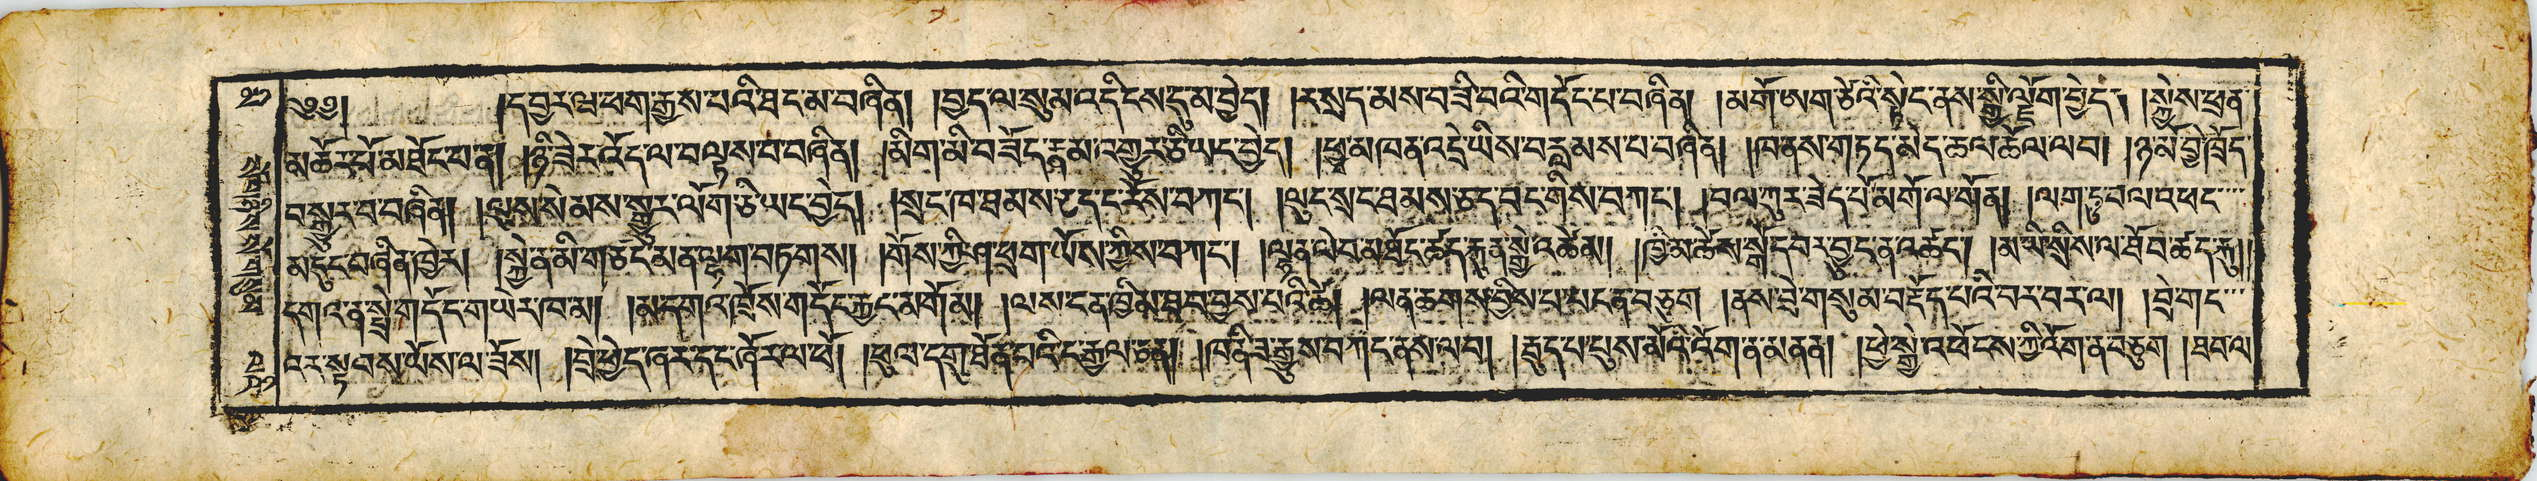༄༅། དབྱར་ཝ་ཕག་རྒྱས་པའི་ཐང་མ་བཞིན། །བྱད་ལ་སུམ་འདིངས་དུ་མ་བྱེད། །ར་སྲད་མས་བཟི་བའིགདོང་པ་བཞིན། །མགོ་ཨག་ཙེའི་སྟེང་ནས་སྒྱི་ལྗོག་བྱེད། །སྐྱེས་ཕྲན་
མཚོར་པོ་མཐོང་བ་ན། །ཉི་ཟེར་འོད་ལ་བལྟས་པ་བཞིན། །མིག་མི་བཟོད་རྣམ་འགྱུར་ཅི་ཡང་བྱེད། །ཕྱྭ་མཁན་འདྲེ་ཡིས་བརླམས་པ་བཞིན། །ཁ་ནས་གཏད་མེད་ཆལ་ཆོལ་ལབ། །ཉ་མོ་བྱེ་ཁྲོད་
བསྐྱུར་བ་བཞིན། །ལུས་སེམས་སྒྱུར་ལོག་ཅི་ཡང་བྱེད། །སྲང་ཁ་ཐམས་ཅད་ང་རོས་བཀང་། །ལུང་སྲང་ཐམས་ཅད་བང་གིས་བཀང་། །བལ་ཀུར་ཟེད་པོ་མགོ་ལ་གོན། །ལག་ཏུ་བལ་འཕང་
མདུང་བཞིན་ཁྱེར། །སྐྱེ་ན་མི་གཙང་མན་ལྷག་བཏགས། །གོས་ཀྱི་ཤ་ཕྲག་ཡོས་ཀྱིས་བཀང་། །ལྷན་ལེབ་མཐོང་ཚད་རྐུན་སྒྱེ་འཚེམ། །ཁྱིམ་ཚེས་སྒ་དབར་བྱུང་ན་འཚང་། །མ་ཡི་སྲིས་ལ་ཐོབ་ཚད་རྐུ། །
དགའ་ན་སྤྲེ་གདོང་གཡེར་ཁ་མ། །མ་དགའ་ཁྲོས་གདོང་རྐྱང་མགོ་མ། །ལས་ངན་ཁྱིམ་ཐབ་་བྱས་པའི་ཚེ། །ལན་ཆགས་བྱིས་པ་པང་ན་བཅུག །ནས་བྲེ་གསུམ་བརྗོད་པའི་བར་བར་ལ། །བྲེ་གང་
འར་སྟབས་ལོས་ལ་ཟོས། །བྲེ་ཕྱེད་ཞར་དང་ཞོར་ལ་ཕོ། །ཡུལ་དགུ་ཐོན་པའི་ང་རྒྱལ་ཅན། །ཁ་ནི་ཟ་རྒྱུས་བཀང་ནས་ལབ། །རྦུད་པ་པུས་མོའི་འོག་ན་མནན། །ཕྱེ་སྒྱེ་འཕོངས་ཀྱི་འོག་ན་བཅུག །ཐབ་ལ་